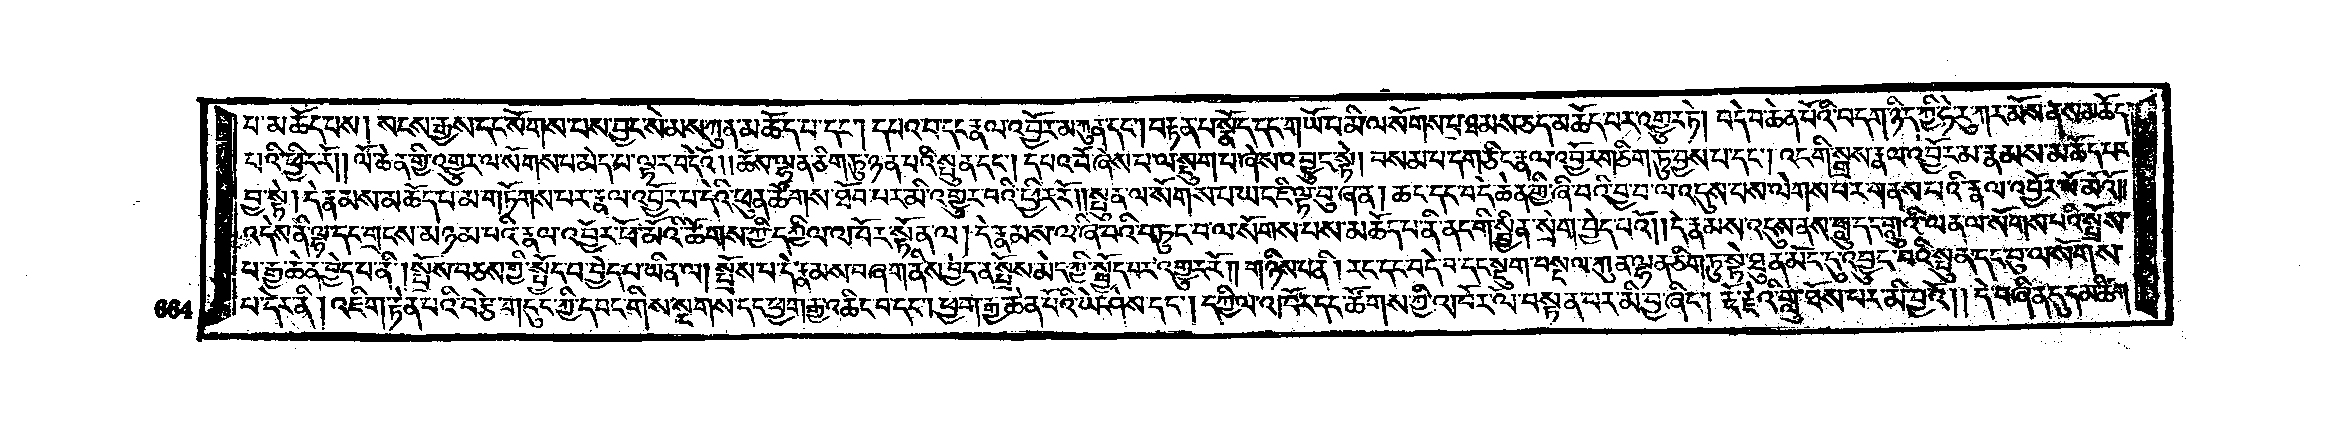པ་མཆོད་པས། སངས་རྒྱས་དང་སོགས་པས་བྱང་སེམས་ཀུན་མཆོད་པ་དང་། དཔའ་བོ་དང་རྣལ་འབྱོར་མ་ཀུན་དང་། བརྟན་པ་སྣོད་དང་གཡོ་བ་མི་ལ་སོགས་པ་ཐམས་ཅད་མཆོད་པར་འགྱུར་ཏེ། བདེ་བ་ཆེན་པོའི་བདག་ཉིད་ཀྱི་ཧེ་རུ་ཀར་མོས་ནས་མཆོད་
པའི་ཕྱིར་རོ། །ལོ་ཆེན་གྱི་འགྱུར་ལ་སོགས་པ་མེད་པ་ལྟར་བདེའོ། །ཆོས་ལྷན་ཅིག་ཏུ་ཉན་པའི་སྤུན་དང་། དཔའ་བོ་ཞེས་པ་ལ་སྡུག་པ་ཞེས་འབྱུང་སྟེ། བསམ་པ་དག་ཅིང་རྣལ་འབྱོར་གཅིག་ཏུ་བྱས་པ་དང་། འང་གི་སྒྲས་རྣལ་འབྱོར་མ་རྣམས་མཆོད་པར་
བྱ་སྟེ། དེ་རྣམས་མཆོད་པ་མ་གཏོགས་པར་རྣལ་འབྱོར་པ་དེའི་ཕུན་ཚོགས་ཐོབ་པར་མི་འགྱུར་བའི་ཕྱིར་རོ། །སྤུན་ལ་སོགས་པ་ཡང་ཇི་ལྟ་བུ་ཞེ་ན། ཆང་དང་བདེ་ཆེན་གྱི་ཞི་བའི་བྱ་བ་ལ་འདུས་པས་ལེགས་པར་གནས་པའི་རྣལ་འབྱོར་ཕོ་མོའོ། །
འདེས་ནི་ལྷ་དང་གྲངས་མཉམ་པའི་རྣལ་འབྱོར་ཕོ་མོའི་ཚོགས་ཀྱི་དཀྱིལ་འཁོར་སྟོན་ལ། དེ་རྣམས་ལ་ཞི་བའི་བཏུང་བ་ལ་སོགས་པས་མཆོད་པ་ནི་ནང་གི་སྦྱིན་སྲེག་བྱེད་པའོ། །དེ་རྣམས་འདུས་ནས་གླུ་དང་གླུའི་ལན་ལ་སོགས་པའི་སྤྲོས་
པ་རྒྱ་ཆེན་བྱེད་པ་ནི། སྤྲོས་བཅས་ཀྱི་སྤྱོད་པ་བྱེད་པ་ཡིན་ལ། སྤྲོས་པ་དེ་རྣམས་བཞག་ནས་བྱེད་ན་སྤྲོས་མེད་ཀྱི་སྤྱོད་པར་འགྱུར་རོ། །གཉིས་པ་ནི། རང་དང་བདེ་བ་དང་སྡུག་བསྔལ་ཀུན་ལྷན་ཅིག་ཏུ་སྟེ་ཐུན་མོང་དུ་འབྱུང་བའི་སྤུན་དང་བུ་ལ་སོགས་
པ་དེར་ནི། འཇིག་རྟེན་པའི་བརྩེ་གདུང་ཀྱི་དབང་གིས་སྔགས་དང་ཕྱག་རྒྱ་འཆིང་བ་དང་། ཕྱག་རྒྱ་ཆེན་པོའི་ཡེ་ཤེས་དང་། དཀྱིལ་འཁོར་དང་ཚོགས་ཀྱི་འཁོར་ལོ་བསྟན་པར་མི་བྱ་ཞིང་། རྡོ་རྗེའི་གླུ་ཐོས་པར་མི་བྱའོ། །དེ་བཞིན་དུ་དམ་ཚིག་